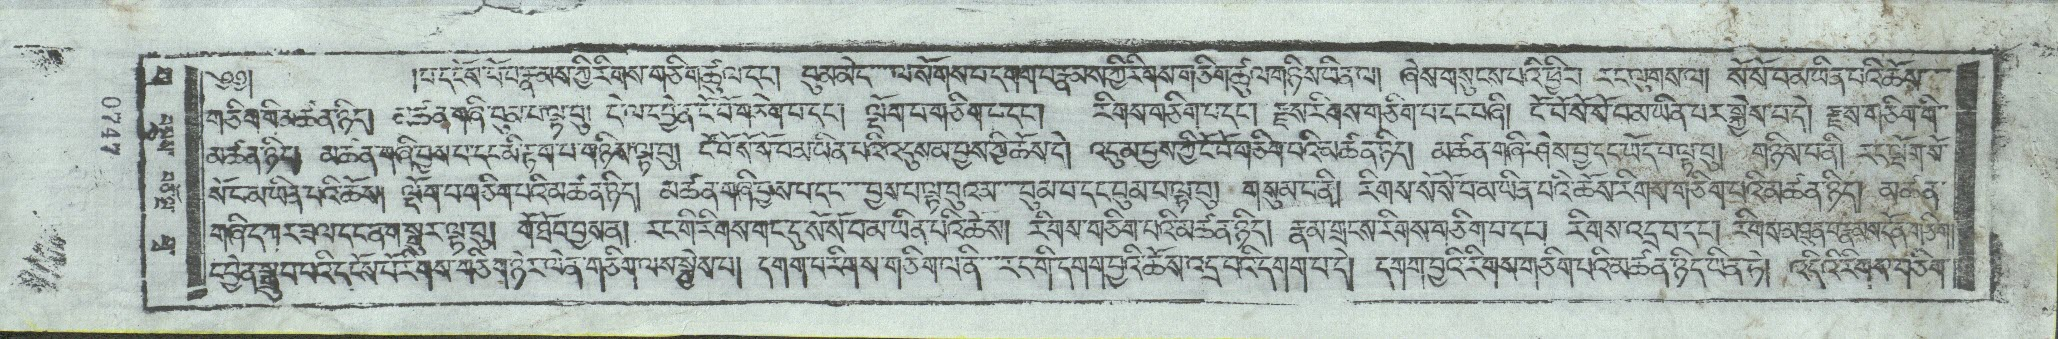༄༅། །པ་དངོས་པོ་བ་རྣམས་ཀྱི་རིགས་གཅིག་ཚུལ་དང་། བུམ་མེད་ལ་སོགས་པ་དགག་པ་རྣམས་ཀྱི་རིགས་གཅིག་ཚུལ་གཉིས་ཡིན་ལ། ཞེས་གསུངས་པའི་ཕྱིར། རང་ལུགས་ལ། སོ་སོ་བ་མ་ཡིན་པའི་ཆོས་
གཅིག་གི་མཚན་ཉིད། མཚན་གཞི་བུམ་པ་ལྟ་བུ། དེ་ལ་དབྱེ་ན་ངོ་བོ་གཅིག་པ་དང་། ལྡོག་པ་གཅིག་པ་དང་། རིགས་གཅིག་པ་དང་། རྫས་རིགས་གཅིག་པ་དང་བཞི། ངོ་བོ་སོ་སོ་བ་མ་ཡིན་པར་སྐྱེས་པ་དེ། རྫས་གཅིག་གི་
མཚན་ཉིད། མཚན་གཞི་བྱས་བ་དང་མི་རྟག་པ་གཉིས་ལྟ་བུ། ངོ་བོ་སོ་སོ་བ་མ་ཡིན་པའི་འདུས་མ་བྱས་ཀྱི་ཆོས་དེ། འདུ་མ་བྱས་ཀྱི་ངོ་བོ་གཅིག་པའི་མཚན་ཉིད། མཚན་གཞི་ཤེས་བྱ་དང་ཡོད་པ་ལྟ་བུ། གཉིས་པ་ནི། རང་ལྡོག་སོ་
སོ་བ་མ་ཡིན་པའི་ཆོས། ལྡོག་པ་གཅིག་པའི་མཚན་ཉིད། མཚན་གཞི་བྱས་པ་དང་བྱས་པ་ལྟ་བུའམ་བུམ་པ་དང་བུམ་པ་ལྟ་བུ། གསུམ་པ་ནི། རིགས་སོ་སོ་བ་མ་ཡིན་པའི་ཆོས་རིགས་གཅིག་པའི་མཚན་ཉིད། མཚན་
གཞི་དཀར་ཟལ་དང་ནག་སྒུར་ལྟ་བུ། གོ་ཐོབ་བྱས་ན། རང་གི་རིགས་གང་དུ་སོ་སོ་བ་མ་ཡིན་པའི་ཆེས། རིགས་གཅིག་པའི་མཚན་ཉིད། རྣམ་གྲངས་རིགས་གཅིག་པ་དང་། རིགས་འདྲ་བ་དང་། རིགས་མཐུན་པ་རྣམས་དོན་གཅིག།
དབྱེ་ན་སྒྲུབ་པའི་དངོས་པོ་རིགས་གཅིག་ཉེར་ལེན་གཅིག་ལས་སྐྱེས་པ། དགག་པ་རིགས་གཅིག་ལ་ནི་རང་གི་དགག་བྱའི་ཆོས་འདྲ་བའི་དགག་པ་དེ། དགག་བྱའི་རིགས་གཅིག་པའི་མཚན་ཉིད་ཡིན་ཏེ། འདིའི་རིགས་པ་ཅིག།